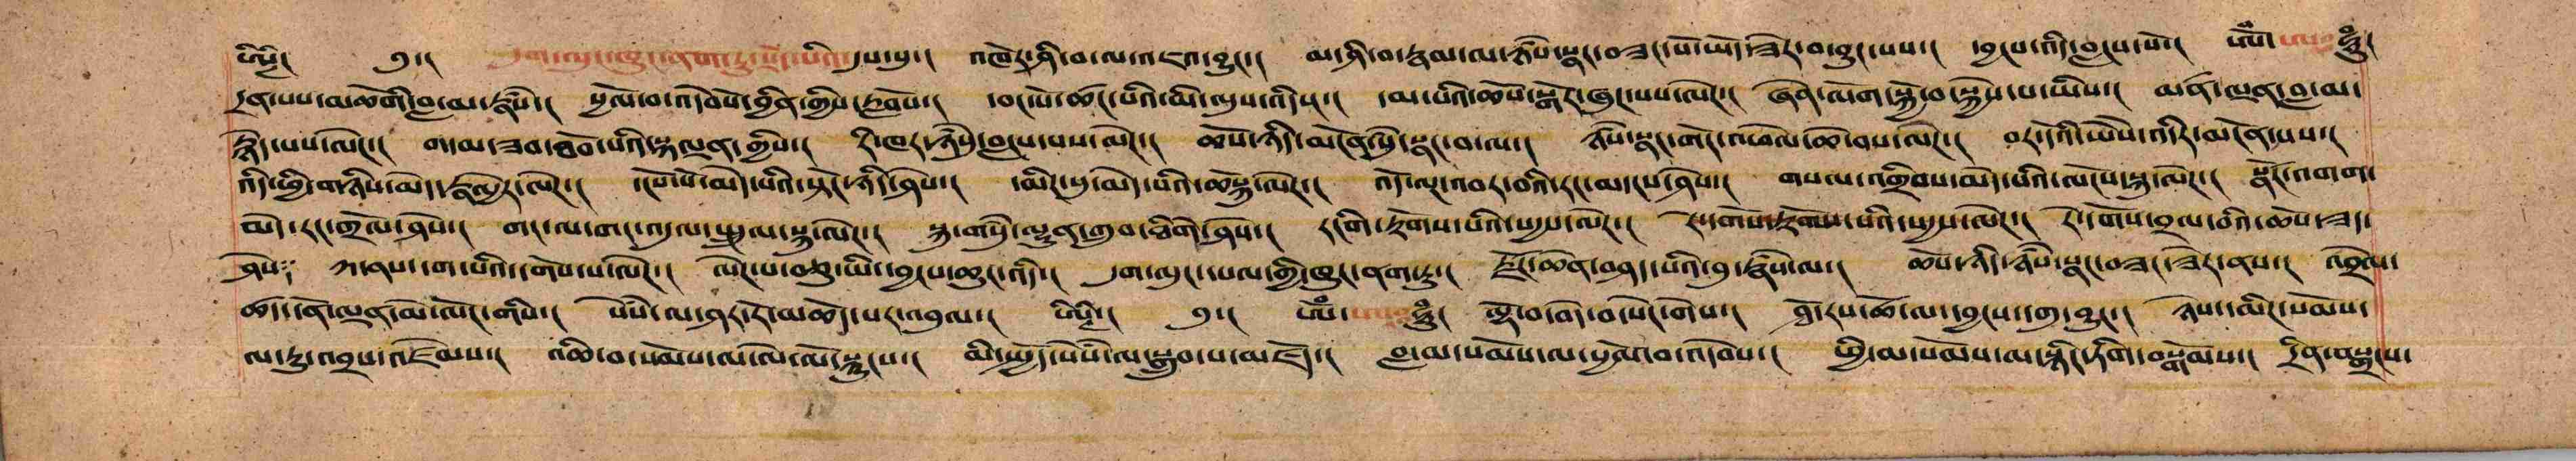ཨིཊི། ༄་། དུག་ལུང་ཁྱུང་ནག་ཏུ་སྡོད་པའི་དུས་སུ། འཁོར་ཤི་བ་ལ་འཇའ་བྱུང་། མ་ཤི་བ་རྣམ་ལ་ཉམས་སྣང་བཟང་པོ་ཡོད་ཟེར་བ་བྱུང་པས། དབྱངས་འདི་བླངས་སོ། ཨོཾ་ཨཿཧཱུཾ། 
དྲན་པས་མཆོག་གི་བླ་མ་རྣམས། གསོལ་བ་འདེབས་སོ་བྱིན་གྱིས་རློབས། དབང་པོ་ཚང་པའི་མི་ལུས་འདི་ང་། དམ་པའི་ཆོས་སྒོར་ཞུགས་པས་ལེགས། ཞེན་ལོག་སྐྱོ་བ་སྐྱེས་པ་ཡིས། མཚན་ལྡན་བླ་མ་
རྙེད་པས་ལེགས། གདམ་ཟབ་ཐོབ་པའི་སྐལ་ལྡན་གྱིས། རི་ཁར་ཉམས་སུ་བླངས་པས་ལེགས། ཆོས་ཉིད་མངོན་སུམ་སྣང་བ་ལ། ཉམས་སྣང་གོང་འཕེལ་ཆེ་བས་ལེགས། བར་དོའི་ཡེ་ཤེས་འདིར་མངོན་པས། 
འདི་ཕྱི་གཉིས་མེད་རྣལ་འབྱོར་ལེགས། དངོས་པོ་མེད་པའི་སྟོང་ཉིད་ཤེས། དམིགས་སུ་མེད་པའི་ཆོས་སྐུ་ལེགས། འོད་ལྔ་འབར་བའི་རང་སྣང་ཤེས། གསལ་འགྲིབས་མེད་པའི་ལོངས་སྐུ་ལེགས། སྣ་ཚོགས་འགག་
མེད་རང་གྲོལ་ཤེས། གང་ལ་གང་འདུལ་སྤྲུལ་སྐུ་ལེགས། སྐུ་གསུམ་ལྷུན་གྲུབ་ཐིག་ལེ་ཤེས། རང་རིག་རྟོགས་པའི་སངས་རྒྱས་ལེགས། རེ་དགོས་རྟོགས་པའི་སངས་རྒྱས་ལེགས། རེ་དགོས་བྲལ་བའི་ཆོས་ཟད་
ཤེས༑ ཀ་ནས་དག་པའི་དགོས་པ་ལེགས། ལེགས་པ་བཅུ་ཡི་བྱངས་ཆཱུང་འདི། དུག་ལུང་དཔལ་གྱི་ཁྱུང་ནག་ཏུ། རྫོགས་ཆེན་བཤད་པའི་བུ་རྣམས་ལ། ཆོས་ཉིད་ཉམས་སྣང་བཟང་ཟེར་ནས། འབྲེལ་
ཚད་དོན་ལྡན་མེ་ལོང་གིས། སེམས་ལ་ཤར་རེ་མཆོད་པར་འབུལ། ཨིཊི། ༄་། ཨོཾ་ཨཿཧཱུཾ། ལྷོ་བ་བདེ་བ་སེང་གེས། ཤོ་རས་ཚོ་ལ་དབྱངས་དགུ་བྱུང་། ཉེས་དམིགས་སོམས་
ལ་རྒྱུ་འབྲས་འཛོམས། འཆི་བ་སོམས་ལ་ལེ་ལོ་སྐྱུངས། མི་སྤྱོད་སེམས་ལ་སྒྲུབ་པ་མཛོད། བླ་མ་སོམས་ལ་གསོལ་བ་འདེབས། ཕྱི་མ་སོམས་ལ་སྙིང་ཏིག་བསྒོམས། དྲིན་བསྒྲངས་